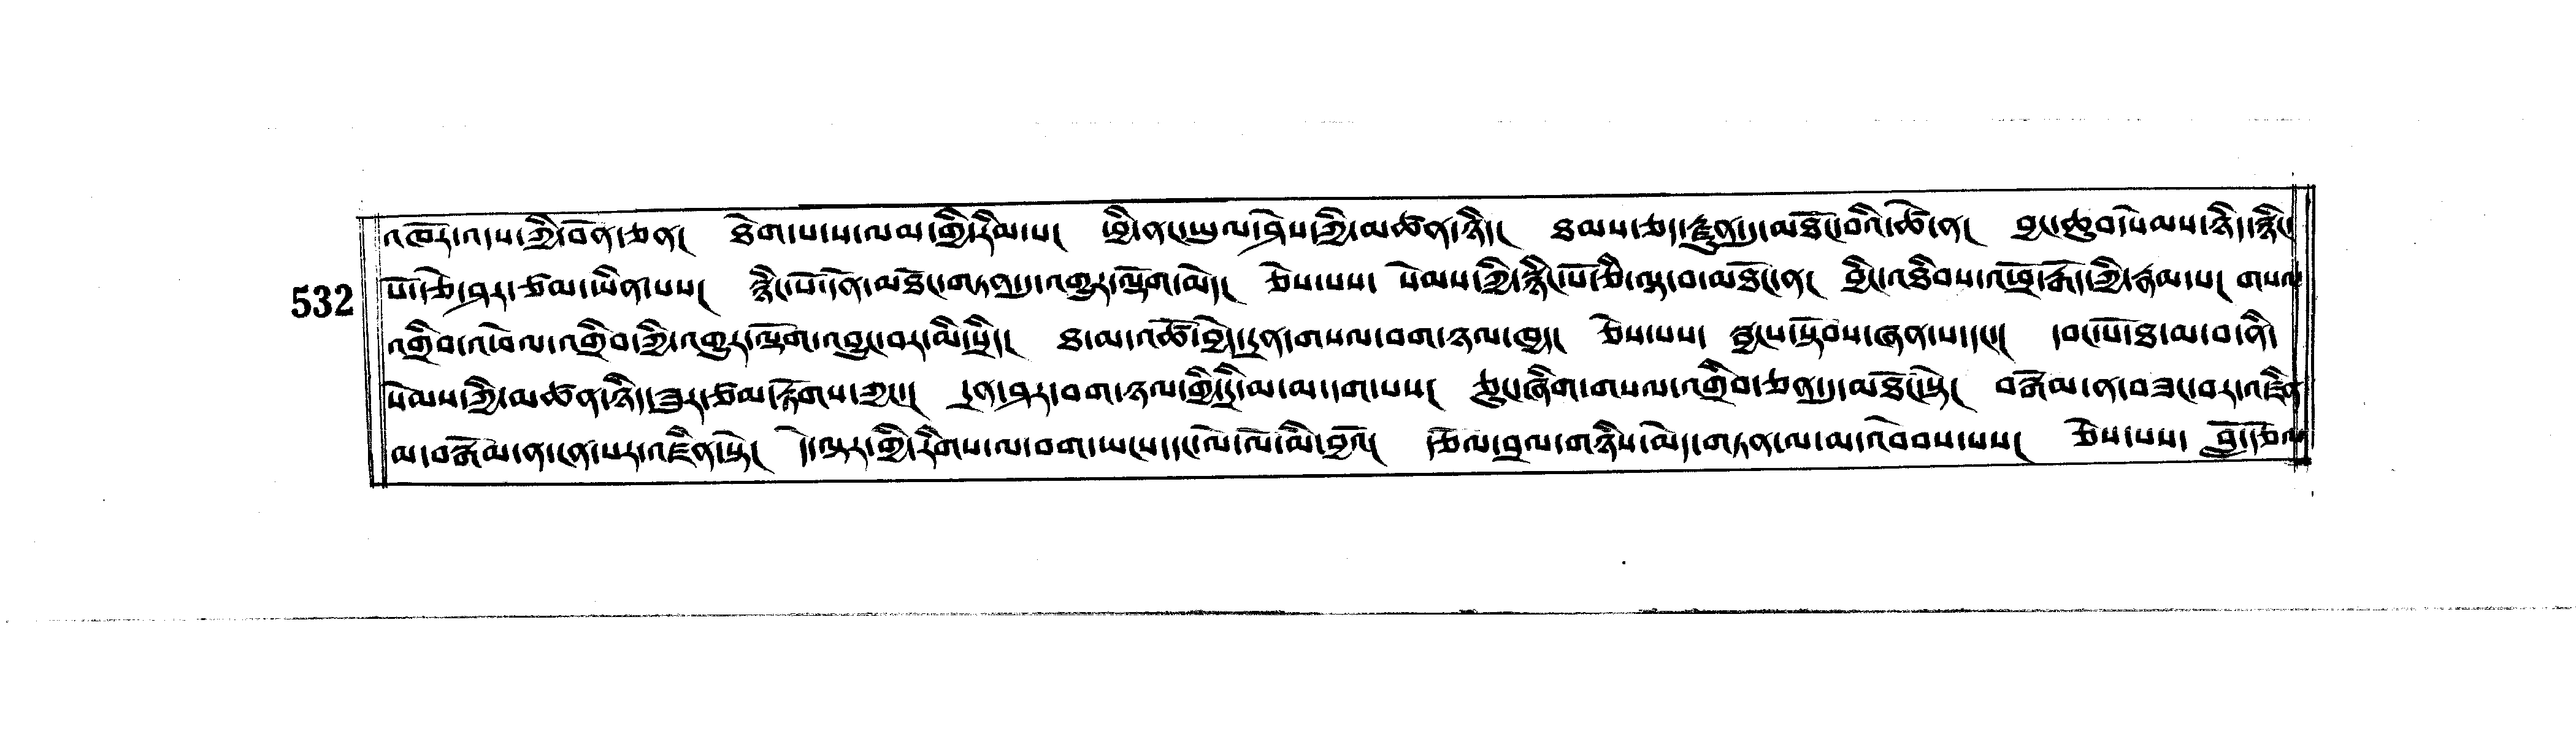འཁོར་འདས་ཀྱི་བོན་ཅན། ཐེག་པ་ས་ལམ་གྱི་རིམ་པ། ཕྱི་ནང་ཡུལ་ཤེས་ཀྱི་མཚན་ཉིད། ཐམས་ཅད་རྫུན་དུ་མཐོང་བའི་ཚེ་ན། བྱང་ཆུབ་སེམས་ཉིད་སྙིང་
པོ་ཆེ་ཤར་ཙམ་ཡིན་པས། སྙིང་པོ་དོན་མཐོང་གཏན་དུ་འགྱུར་ལྡོག་མེད། ཅེས་པས། སེམས་ཀྱི་སྙིང་པོ་ཅི་ལྟ་བ་མཐོང་ན། བྱིང་འཐིབས་འཕྲོ་རྒོད་ཀྱི་རྣམ་པ། གསལ་
འགྲིབ་འཕེལ་འགྲིབ་ཀྱི་འགྱུར་ལྡོག་འབྱུང་བར་མི་སྲིད། ཐ་མ་འཚོ་བྱེད་དྲན་གསལ་བག་ཉལ་ཁྱད། ཅེས་པས། སྦྱངས་སྟོབས་ཞན་པ་དང་། དབང་པོ་ཐ་མལ་བ་ནི་
སེམས་ཀྱི་མཚན་ཉིད་ཟུར་ཙམ་རྟོགས་ཀྱང་། དྲན་ཤར་བག་ཉལ་གྱི་དྲི་མ་མ་དག་པས། ཅུང་ཞིག་གསལ་འགྲིབ་ཅན་དུ་མཐོང་སྟེ། བསྒོམ་ན་བཟང་བར་འཛིན། 
མ་བསྒོམས་ན་ངན་པར་འཛིན་ཏེ། དེ་ལྟར་གྱི་རིགས་ལ་བག་ཡངས་དང་ལེ་ལོ་མི་བྱའོ། རྩོལ་བྲལ་གཉིས་མེད་གཏན་ལ་མ་འབེབས་པས། ཅེས་པས། བློ་རྩོལ་